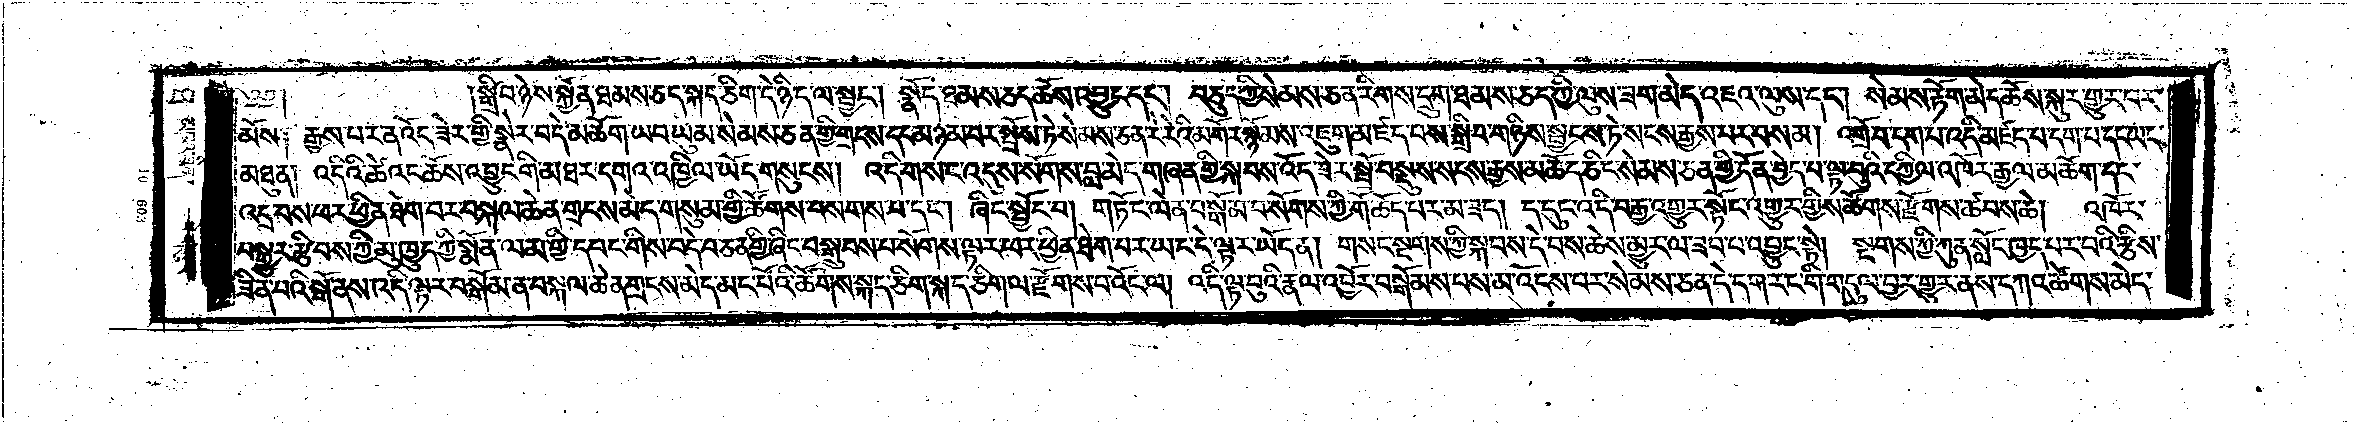༄༅། །སྒྲིབ་ཉེས་སྐྱོན་ཐམས་ཅད་སྐད་ཅིག་དེ་ཉིད་ལ་སྦྱང་། སྣོད་ཐམས་ཅད་ཆོས་འབྱུང་དང་། བཅུད་ཀྱི་སེམས་ཅན་རིགས་དྲུག་ཐམས་ཅད་ཀྱི་ལུས་ཟག་མེད་འཇའ་ལུས་དང་། སེམས་རྟོག་མེད་ཆོས་སྐུར་གྱུར་པར་
མོས༑ རྒྱས་པར་ན་འོད་ཟེར་གྱི་སྣེར་བདེ་མཆོག་ཡབ་ཡུམ་སེམས་ཅན་གྱི་གྲངས་དང་མཉམ་པར་སྤྲོས་ཏེ་སེམས་ཅན་རེ་རེའི་མགོར་སྙོམས་འཇུག་མཛད་པས་སྒྲིབ་གཉིས་སྦྱངས་ཏེ་སངས་རྒྱས་པར་བསམ། འགྲོ་བ་དག་པ་འདི་མཛད་པ་དག་པ་དང་ཡང་
མཐུན། འདིའི་ཚེའང་ཆོས་འབྱུང་གི་མཐར་དགའ་འཁྱིལ་ཡོད་གསུངས། འདི་གསང་འདུས་སོགས་བླ་མེད་གཞན་གྱི་སྐབས་འོད་ཟེར་སྤྲོ་བསྡུས་སངས་རྒྱས་མཆོད་ཅིང་སེམས་ཅན་གྱི་དོན་བྱེད་པ་ལྟ་བུའི་དཀྱིལ་འཁོར་རྒྱལ་མཆོག་དང་
འདྲ་བས་ཕར་ཕྱིན་ཐེག་པར་བསྐལ་ཆེན་གྲངས་མེད་གསུམ་གྱི་ཚོགས་བསགས་པ་དང་། ཞིང་སྦྱོང་བ། གཏོང་ལེན་བསྒོམ་པ་སོགས་ཀྱི་གོ་ཆོད་པར་མ་ཟད། ད་དུང་འདི་བརྒྱ་འགྱུར་སྟོང་འགྱུར་གྱིས་ཚོགས་རྫོགས་ཚབས་ཆེ། འཁོར་
བསྒྱུར་རྩིབས་ཀྱི་མུ་ཁྱུད་ཀྱི་སྨོན་ལམ་གྱི་དབང་གིས་བདེ་བ་ཅན་གྱི་ཞིང་བསྒྲུབས་པ་སོགས་ལྟར་ཕར་ཕྱིན་ཐེག་པར་ཡང་དེ་ལྟར་ཡོད་ན། གསང་སྔགས་ཀྱི་སྐབས་དེ་བས་ཆེས་མྱུར་ལ་ཟབ་པ་འབྱུང་སྟེ། སྔགས་ཀྱི་ཀུན་སློང་ཁྱད་པར་བའི་རྩིས་
ཟིན་པའི་སྒོ་ནས་འདི་ལྟར་བསྒོམ་ན་བསྐལ་ཆེན་གྲངས་མེད་མང་པོའི་ཚོགས་སྐད་ཅིག་སྐད་ཅིག་ལ་རྫོགས་པ་འོང་ལ། འདི་ལྟ་བུའི་རྣལ་འབྱོར་བསྒོམས་པས་མ་འོངས་པར་སེམས་ཅན་དེ་དག་རང་གི་གདུལ་བྱར་གྱུར་ནས་དཀའ་ཚེགས་མེད་